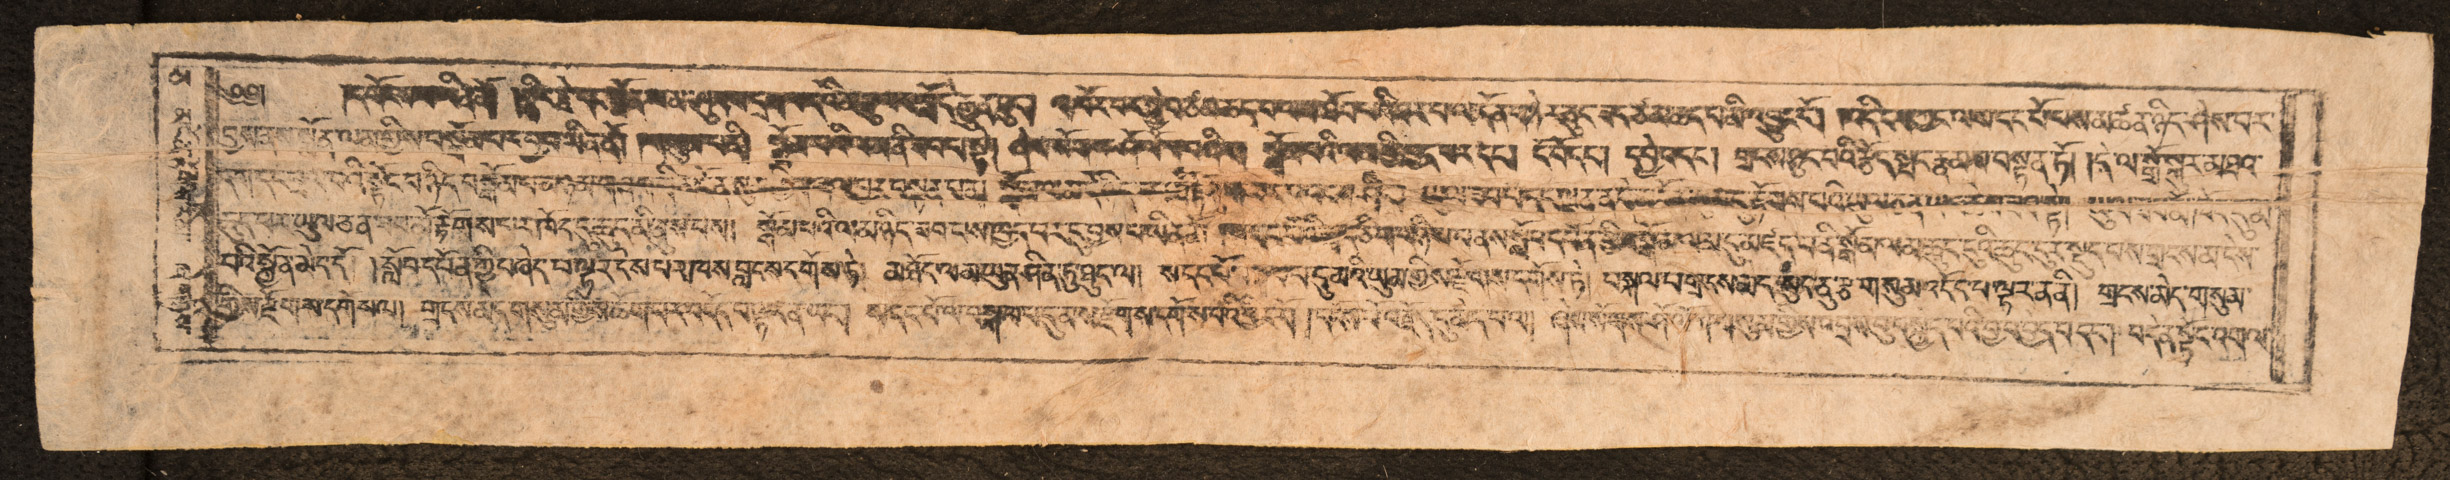༄༅། །དགོངས་པ་ཡིན་ནོ། །སྙིང་རྗེ་དང་སྨོན་ལམ་ཤུགས་དྲག་པ་དེའི་མཐུ་ལས་བློ་དེ་རྒྱུན་ཐུང་། འཁོར་བར་སྐྱེ་བ་ཙམ་ཆད་པ་ལས་ཐོབ་པའི་ཐར་པ་ལ་དོན་གཉེར་ཅུང་ཟད་ཙམ་ཆད་པ་མི་འབྱུང་ངོ། །འདི་ངག་ཀྱང་ལས་དང་པོ་པས་མཚན་ཉིད་ཤེས་པར་
བྱས་ནས་སྨོན་ལམ་གྱིས་བསྒོམ་པར་བྱ་བ་ཡིན་ནོ། །གསུམ་པ་ནི། སྒོམ་པའི་ལམ་ནི་ཟབ་པ་སྟེ། ཞེས་སོགས་ཤོ་ལོ་ཀ་བཞིས། སྒོམ་པའི་ལམ་གྱི་ཁྱད་པར་དང་། ངོ་བོ་དང་། དབྱེ་བ་དང་། གྲངས་ཉུང་བའི་རྩོད་སྤང་རྣམས་བསྟན་ཏོ། །དེ་ལ་སྒྲོ་སྐུར་མཐའ་
དག་དང་བྲལ་བའི་སྟོང་པ་ཉིད་བསྒོམ་པ་མཉམ་གཞག་གི་མངོན་སུམ་གྱི་གཞལ་བྱར་བསྟན་པ་ན། སྒོམ་ལམ་དེ་ཉིད་ཟབ་མོ་རྟོགས་པར་འཕངས་ཤིང་། ཡུལ་ཟབ་པ་དང་ལྡན་ན་དེ་མངོན་སུམ་དུ་རྟོགས་པའི་ཡུལ་ཅན་ཡང་ཆེས་ཟབ་སྟེ། ཡུལ་ཟབ་མོ་ཁོང་དུ་མ་
ཆུད་པར་ཡུལ་ཅན་ཟབ་མོ་རྟོགས་པར་ཁོང་དུ་ཆུད་མི་ནུས་པས། སྒོམ་པའི་ལམ་ཉིད་ཟབ་པས་ཁྱད་པར་དུ་བྱས་པ་ཡིན་ནོ། །ས་དང་པོའི་སྐད་ཅིག་གཉིས་པ་ནས་སློབ་དཔོན་གྱིས་སྒོམ་ལམ་དུ་མཛད་པ་ནི་སྒོམ་ལམ་ཆུང་ངུའི་ཆུང་ངུར་སྡུད་པས་གྲངས་མ་ངེས་
པའི་སྐྱོན་མེད་དོ། །སློབ་དཔོན་གྱི་བཞེད་པ་ལྟར་ངེས་པར་ཁས་བླངས་དགོས་ཏེ། མཐོང་ལམ་ཡུན་ཤིན་ཏུ་ཐུང་ལ། ས་དང་པོ་བསྐལ་པ་དུ་མའི་ཡུན་གྱིས་རྫོགས་དགོས་ཏེ། བསྐལ་པ་གྲངས་མེད་སུམ་ཅུ་རྩ་གསུམ་འདོད་པ་ལྟར་ན་ནི། གྲངས་མེད་གསུམ་
གྱིས་རྫོགས་དགོས་ལ། གྲངས་མེད་གསུམ་གྱིས་ཆོག་པར་འདོད་པ་ལྟར་ན་ཡང་། ས་དང་པོ་ལ་བསྐལ་པ་དུ་མས་རྫོགས་དགོས་པའི་ཕྱིར་རོ། །དངོས་པོ་བརྗོད་དུ་མེད་པ་ལ། ཞེས་སོགས་ཤོ་ལོ་ཀ་གསུམ་གྱིས་འབྲས་བུ་བསྐྱེད་པའི་བྱ་བ་བྱེད་པ་དང་། བདེན་སྟོང་འགལ་